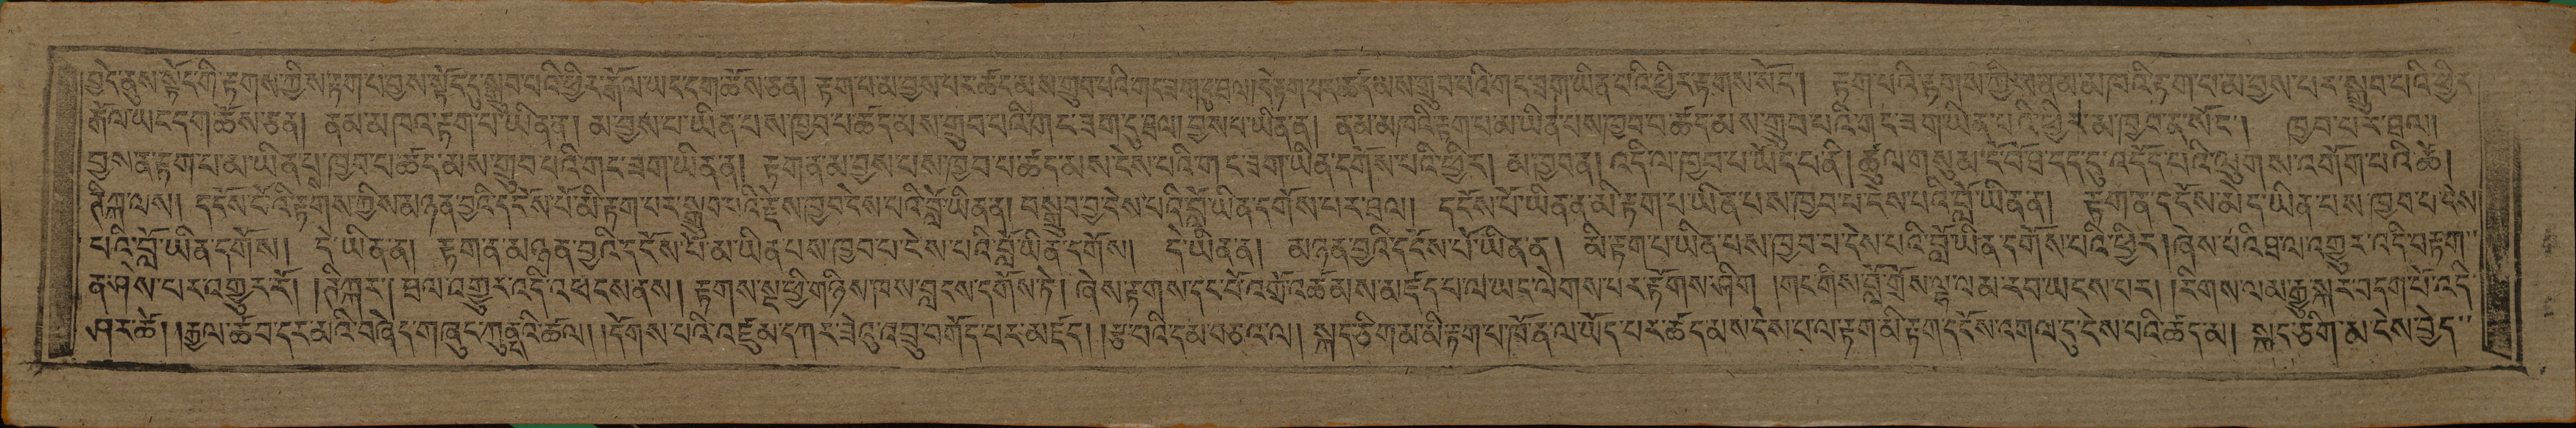བྱེད་ནུས་སྟོང་གི་རྟགས་ཀྱིས་རྟག་པ་བྱས་སྟོང་དུ་སྒྲུབ་པའི་ཕྱིར་རྒོལ་ཡང་དག་ཆོས་ཅན། རྟག་པ་མ་བྱས་པར་ཚད་མས་གྲུབ་པའི་གང་ཟག་དུ་ཐལ། དེ་རྟག་པར་ཚད་མས་གྲུབ་པའི་གང་ཟག་ཡིན་པའི་ཕྱིར་རྟགས་སོང་། རྟག་པའི་རྟགས་ཀྱིས་ནམ་མཁའི་རྟག་པ་མ་བྱས་པར་སྒྲུབ་པའི་ཕྱིར་
རྒོལ་ཡང་དག་ཆོས་ཅན། ནམ་མཁའ་རྟག་པ་ཡིན་ན། མ་བྱས་པ་ཡིན་པས་ཁྱབ་པ་ཚད་མས་གྲུབ་པའི་གང་ཟག་དུ་ཐལ། བྱས་པ་ཡིན་ན། ནམ་མཁའི་རྟག་པ་མ་ཡིན་པས་ཁྱབ་པ་ཚད་མས་གྲུབ་པའི་གང་ཟག་ཡིན་དགོས་པའི་ཕྱིར། མ་ཁྱབ་ན་སོང་། ཁྱབ་པར་ཐལ།
བྱས་ན་རྟག་པ་མ་ཡིན་པས་ཁྱབ་པ་ཚད་མས་གྲུབ་པའི་གང་ཟག་ཡིན་ན། རྟག་ན་མ་བྱས་པས་ཁྱབ་པ་ཚད་མས་ངེས་པའི་གང་ཟག་ཡིན་དགོས་པའི་ཕྱིར། མ་ཁྱབ་ན། འདི་ལ་ཁྱབ་པ་ཡོད་པ་ནི། ཚུལ་གསུམ་ངོ་བོ་ཐ་དད་དུ་འདོད་པའི་ལུགས་འགོག་པའི་ཚེ།
ཊིཀྐ་ལས། དངོས་པོའི་རྟགས་ཀྱིས་མཉན་བྱའི་དངོས་པོ་མི་རྟག་པར་སྒྲུབ་པའི་རྗེས་ཁྱབ་ངེས་པའི་བློ་ཡིན་ན། བསྒྲུབ་བྱ་ངེས་པའི་བློ་ཡིན་དགོས་པར་ཐལ། དངོས་པོ་ཡིན་ན་མི་རྟག་པ་ཡིན་པས་ཁྱབ་པ་ངེས་པའི་བློ་ཡིན་ན། རྟག་ན་དངོས་མེད་ཡིན་པས་ཁྱབ་པ་ངེས་
པའི་བློ་ཡིན་དགོས། དེ་ཡིན་ན། རྟག་ན་མཉན་བྱའི་དངོས་པོ་མ་ཡིན་པས་ཁྱབ་པ་ངེས་པའི་བློ་ཡིན་དགོས། དེ་ཡིན་ན། མཉན་བྱའི་དངོས་པོ་ཡིན་ན། མི་རྟག་པ་ཡིན་པས་ཁྱབ་པ་ངེས་པའི་བློ་ཡིན་དགོས་པའི་ཕྱིར། ཞེས་པའི་ཐལ་འགྱུར་འདིར་བརྟག་
ན་ཤེས་པར་འགྱུར་རོ། །ཊིཀྐར། ཐལ་འགྱུར་འདི་འཕངས་ནས། རྟགས་སྔ་ཕྱི་གཉིས་ཁས་བླངས་དགོས་ཏེ། ཞེས་རྟགས་དང་པོ་འགྲོ་མཚམས་མཛད་པ་ལ་ཡང་ལེགས་པར་རྟོགས་ཤིག །གང་གི་བློ་གྲོས་ལྷ་ལམ་རབ་ཡངས་པར། །རིགས་ལམ་རྒྱུ་སྐར་བདག་པོ་འདི་
ཤར་ཚེ། །རྒྱལ་ཚབ་དར་མའི་བཞེད་གཞུང་ཀུན་དའི་ཚལ། །དོགས་པའི་འཛུམ་དཀར་ཟེའུ་འབྲུ་བགོད་པར་མཛད། །རྩ་བའི་དམ་བཅའ་ལ། སྐད་ཅིག་མ་མི་རྟག་པ་ཁོ་ན་ལ་ཡོད་པར་ཚད་མས་ངེས་པ་ལ་རྟག་མི་རྟག་དངོས་འགལ་དུ་ངེས་པའི་ཚད་མ། སྐད་ཅིག་མ་ངེས་བྱེད་